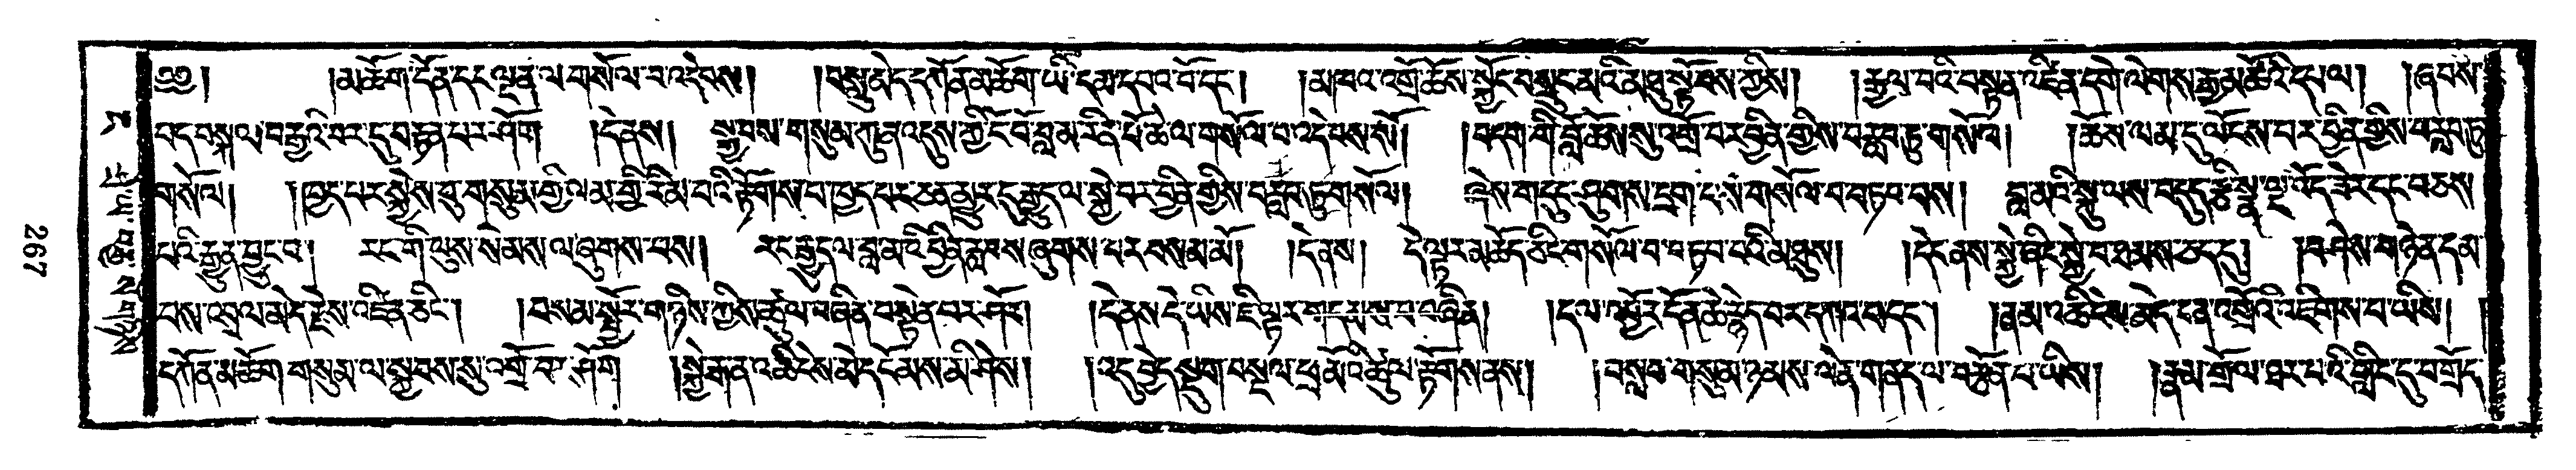༄༅། །མཆོག་དོན་དང་ལྡན་ལ་གསོལ་བ་འདེབས། །བསླུ་མེད་དཀོན་མཆོག་ཡི་དམ་དཔའ་བོ་དང་། །མཁའ་འགྲོ་ཆོས་སྐྱོང་བསྲུང་མའི་མཐུ་སྟོབས་ཀྱིས། །རྒྱལ་བའི་བསྟན་འཛིན་དགེ་ལེགས་རྒྱ་མཚོའི་དཔལ། །ཞབས་
པད་བསྐལ་བརྒྱའི་བར་དུ་བརྟན་པར་ཤོག །དེ་ནས། སྐྱབས་གསུམ་ཀུན་འདུས་ཀྱི་ངོ་བོ་བླ་མ་རིན་པོ་ཆེ་ལ་གསོལ་བ་འདེབས་སོ། །བདག་གི་བློ་ཆོས་སུ་འགྲོ་བར་བྱིན་གྱིས་བརླབ་ཏུ་གསོལ། །ཆོས་ལམ་དུ་ལོངས་བར་བྱིན་གྱིས་བརླབ་ཏུ་
གསོལ། །ཁྱད་པར་སྐྱེས་བུ་གསུམ་གྱི་ལམ་གྱི་རིམ་པའི་རྟོགས་པ་ཁྱད་པར་ཅན་མྱུར་དུ་རྒྱུད་ལ་སྐྱེ་བར་བྱིན་གྱིས་བརླབ་ཏུ་གསོལ། ཞེས་གདུང་ཤུགས་དྲག་པས་གསོལ་བ་བཏབ་པས། བླ་མའི་སྐུ་ལས་བདུད་རྩི་སྣ་ལྔ་འོད་ཟེར་དང་བཅས་
པའི་རྒྱུན་བྱུང་བ། རང་གི་ལུས་སེམས་ལ་ཞུགས་པས། རང་རྒྱུད་ལ་བླ་མའི་བྱིན་རླབས་ཞུགས་པར་བསམ་མོ། །དེ་ནས། དེ་ལྟར་མཆོད་ཅིང་གསོལ་བ་བཏབ་པའི་མཐུས། །དེང་ནས་སྐྱེ་ཞིང་སྐྱེ་བ་ཐམས་ཅད་དུ། །བཤེས་གཉེན་དམ་
པས་འབྲལ་མེད་རྗེས་འཛིན་ཅིང་། །བསམ་སྦྱོར་གཉིས་ཀྱིས་ཚུལ་བཞིན་བསྟེན་པར་ཤོག །དེ་ནས་དེ་ཡིས་ཇི་ལྟར་གདམས་པ་བཞིན། །དལ་འབྱོར་དོན་ཆེ་རྙེད་བར་དཀའ་བ་དང་། །ནམ་འཆི་ངེས་མེད་ངན་འགྲོའི་འཇིགས་པ་ཡིས། །
དཀོན་མཆོག་གསུམ་ལ་སྐྱབས་སུ་འགྲོ་བར་ཤོག །སྐྱེ་རྒ་ན་འཆི་ངེས་མེད་ངོམས་མི་ཤེས། །འདུ་བྱེད་སྡུག་བསྔལ་ཕྲ་མོའི་ཚུལ་རྟོགས་ནས། །བསླབ་གསུམ་ཉམས་ལེན་གནད་ལ་བརྩོན་པ་ཡིས། །རྣམ་གྲོལ་ཐར་པའི་གླིང་དུ་བགྲོད་